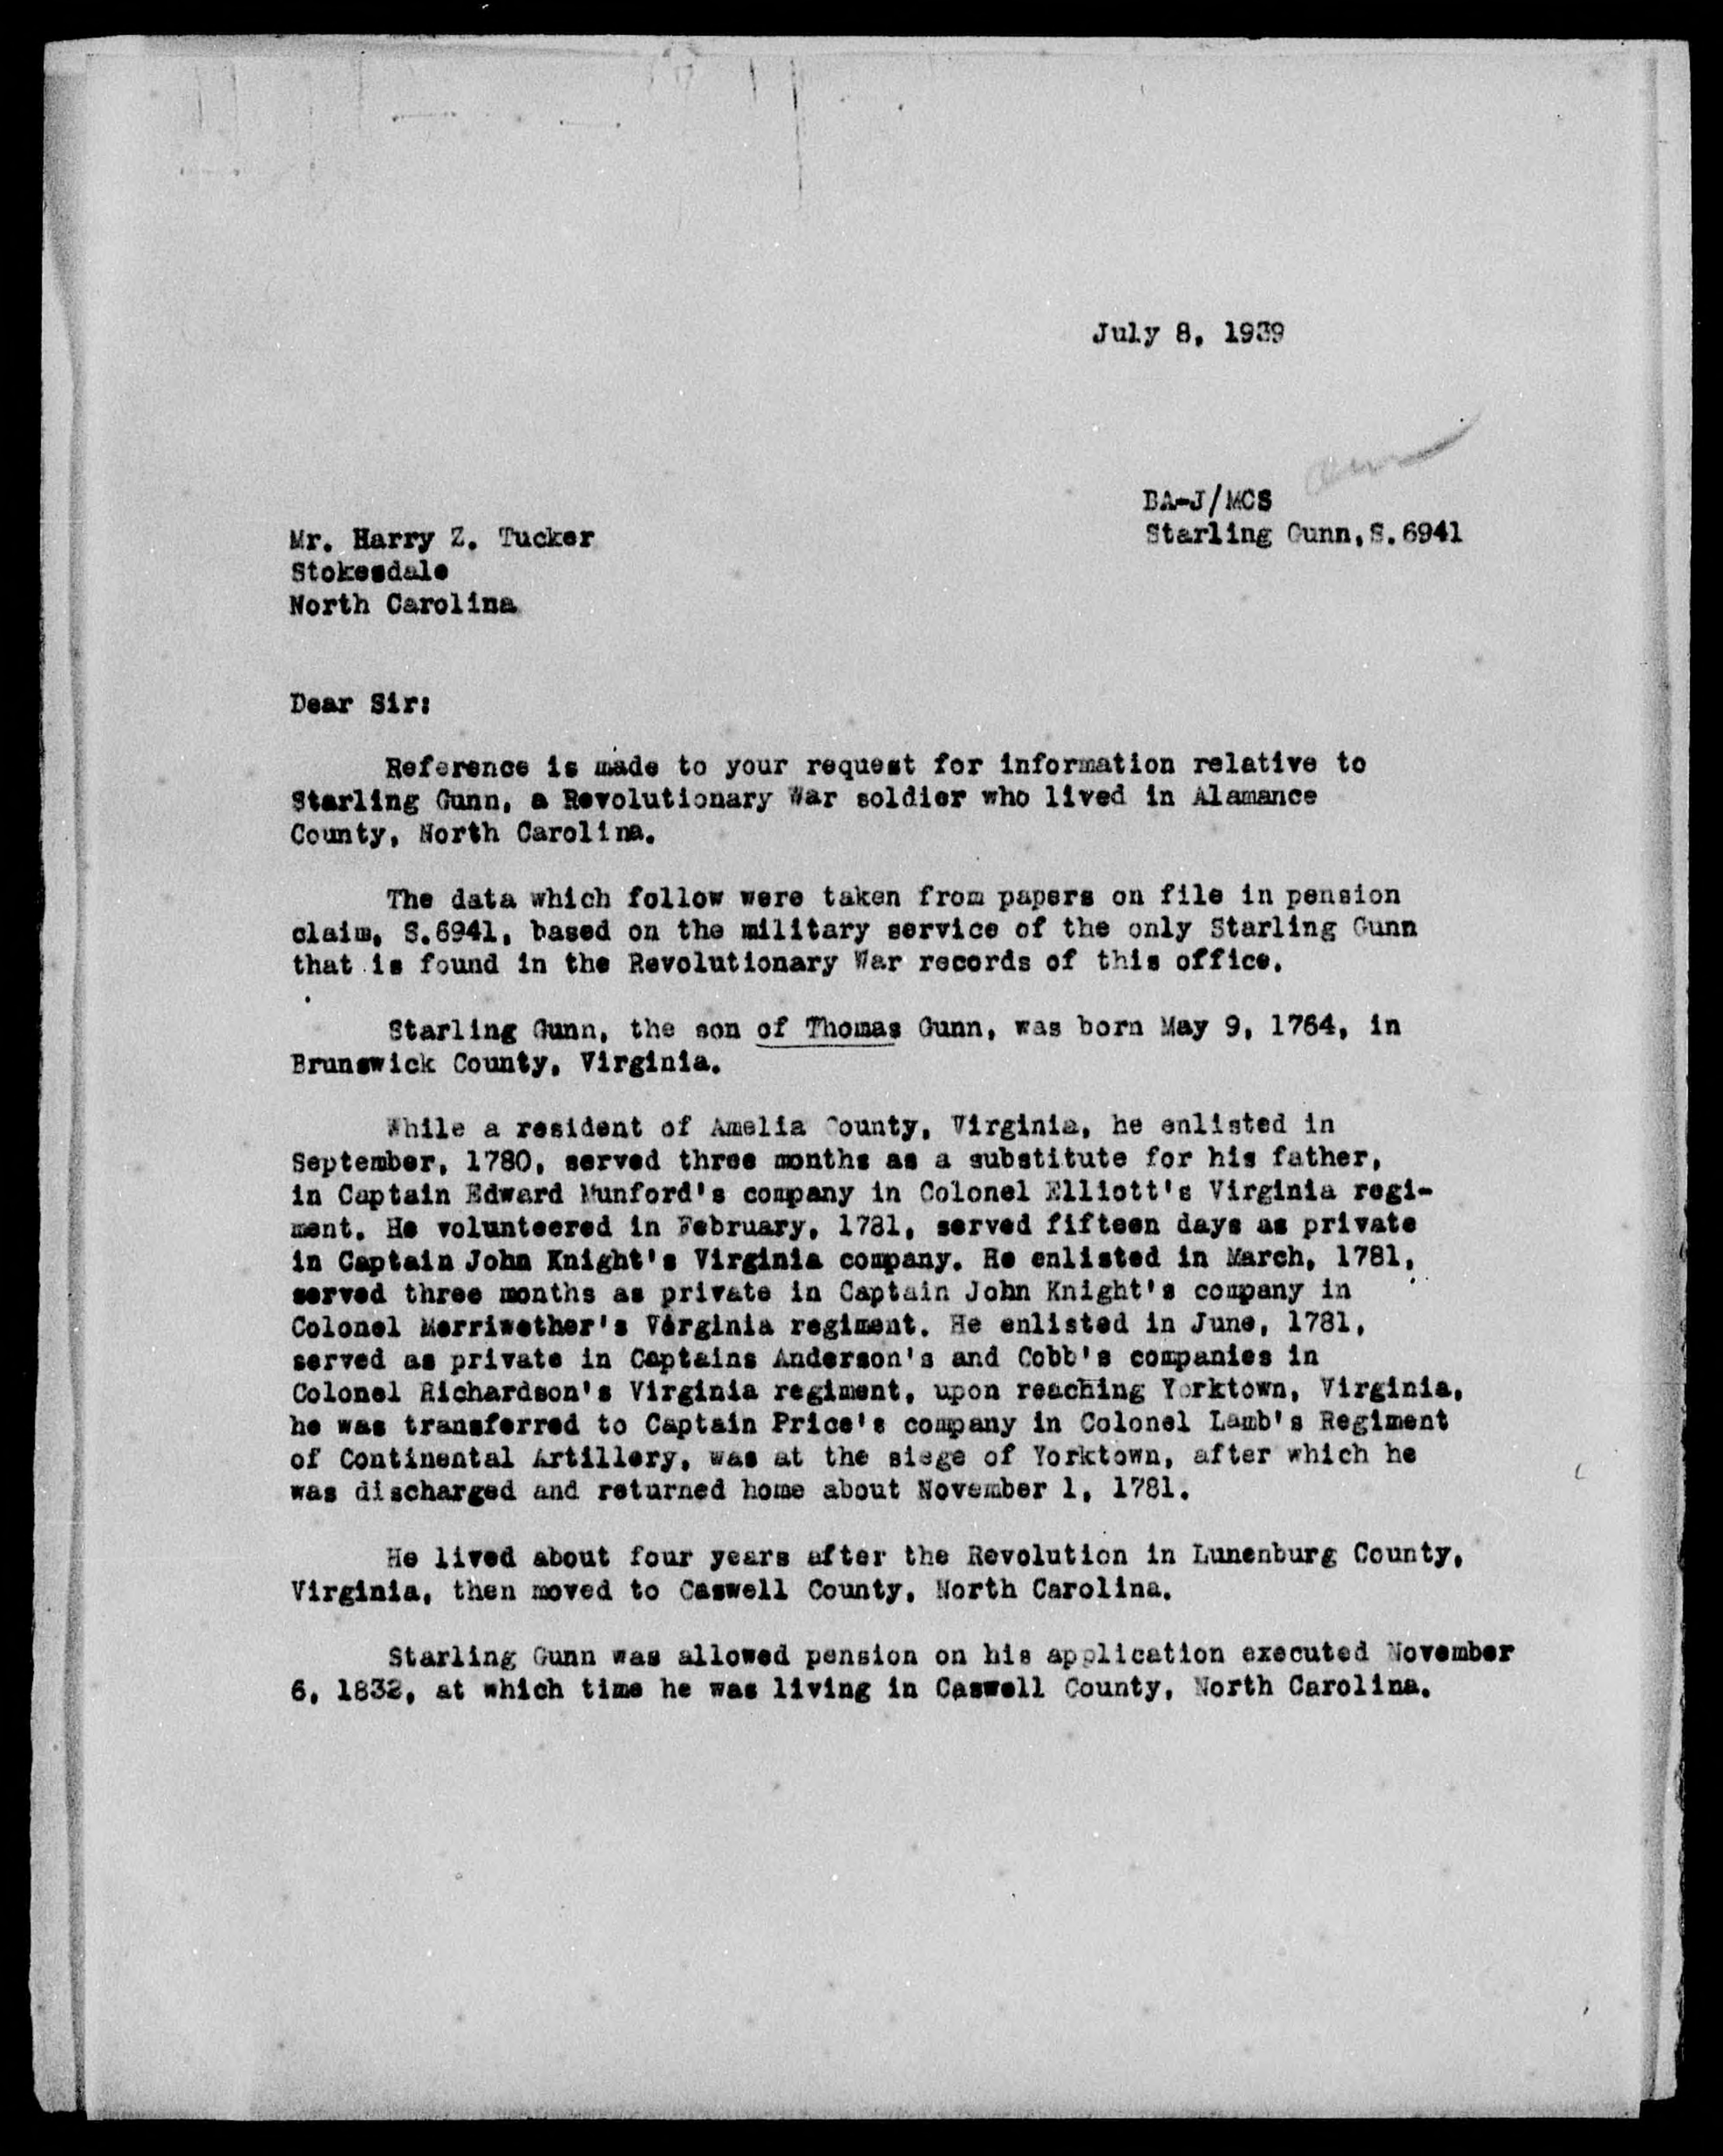July 8, 1939 
BA-J/MCS  aus
Starling Gunn, S.6941 

Mr. Harry E. Tucker 
Stokesdale 
North Carolina 
Dear Sir: Reference is made to your request for information relative to Starling Gunn, a Revolutionary War soldier who lived in Alamance County, North Carolina. 
The data which follow were taken from papers on file in pension claim, S.6941, based on the military service of the only Starling Gunn that is found in the Revolutionary War records of this office.
Starling Gunn, the son of Thomas Gunn, was born May 9, 1764, in Brunswick County, Virginia.
While a resident of Amelia County, Virginia, he enlisted in September, 1780, served three months as a substitute for his father, in Captain Edward Munford's company in Colonel Elliott's Virginia regiment.  He volunteered in February, 1781, served fifteen days as private in Captain John Knight's Virginia company. He enlisted in March, 1781, served three months as private in Captain John Knight's company in Colonel Merriwether's Virginia regiment. He enlisted in June, 1781, served as private in Captains Anderson's and Cobb's companies in Colonel Richardson's Virginia regiment, upon reaching Yorktown, Virginia, he was transferred to Captain Price's company in Colonel Lamb's Regiment of Continental Artillery, was at the siege of Yorktown, after which he was discharged and returned home about November 1, 1781. 
He lived about four years after the Revolution in Lunenburg County, Virginia, then moved to Caswell County, North Carolina.
Starling Gunn was allowed pension on his application executed November 6, 1832, at which time he was living in Caswell County, North Carolina.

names: Starling Gunn, Starling Gunn, Harry Z Tucker, Starling Gunn, Thomas Gunn, Starling Gunn, Starling Gunn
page: 11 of 58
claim: survivor's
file: S. 6,941, Starling Gunn, Continental Va.